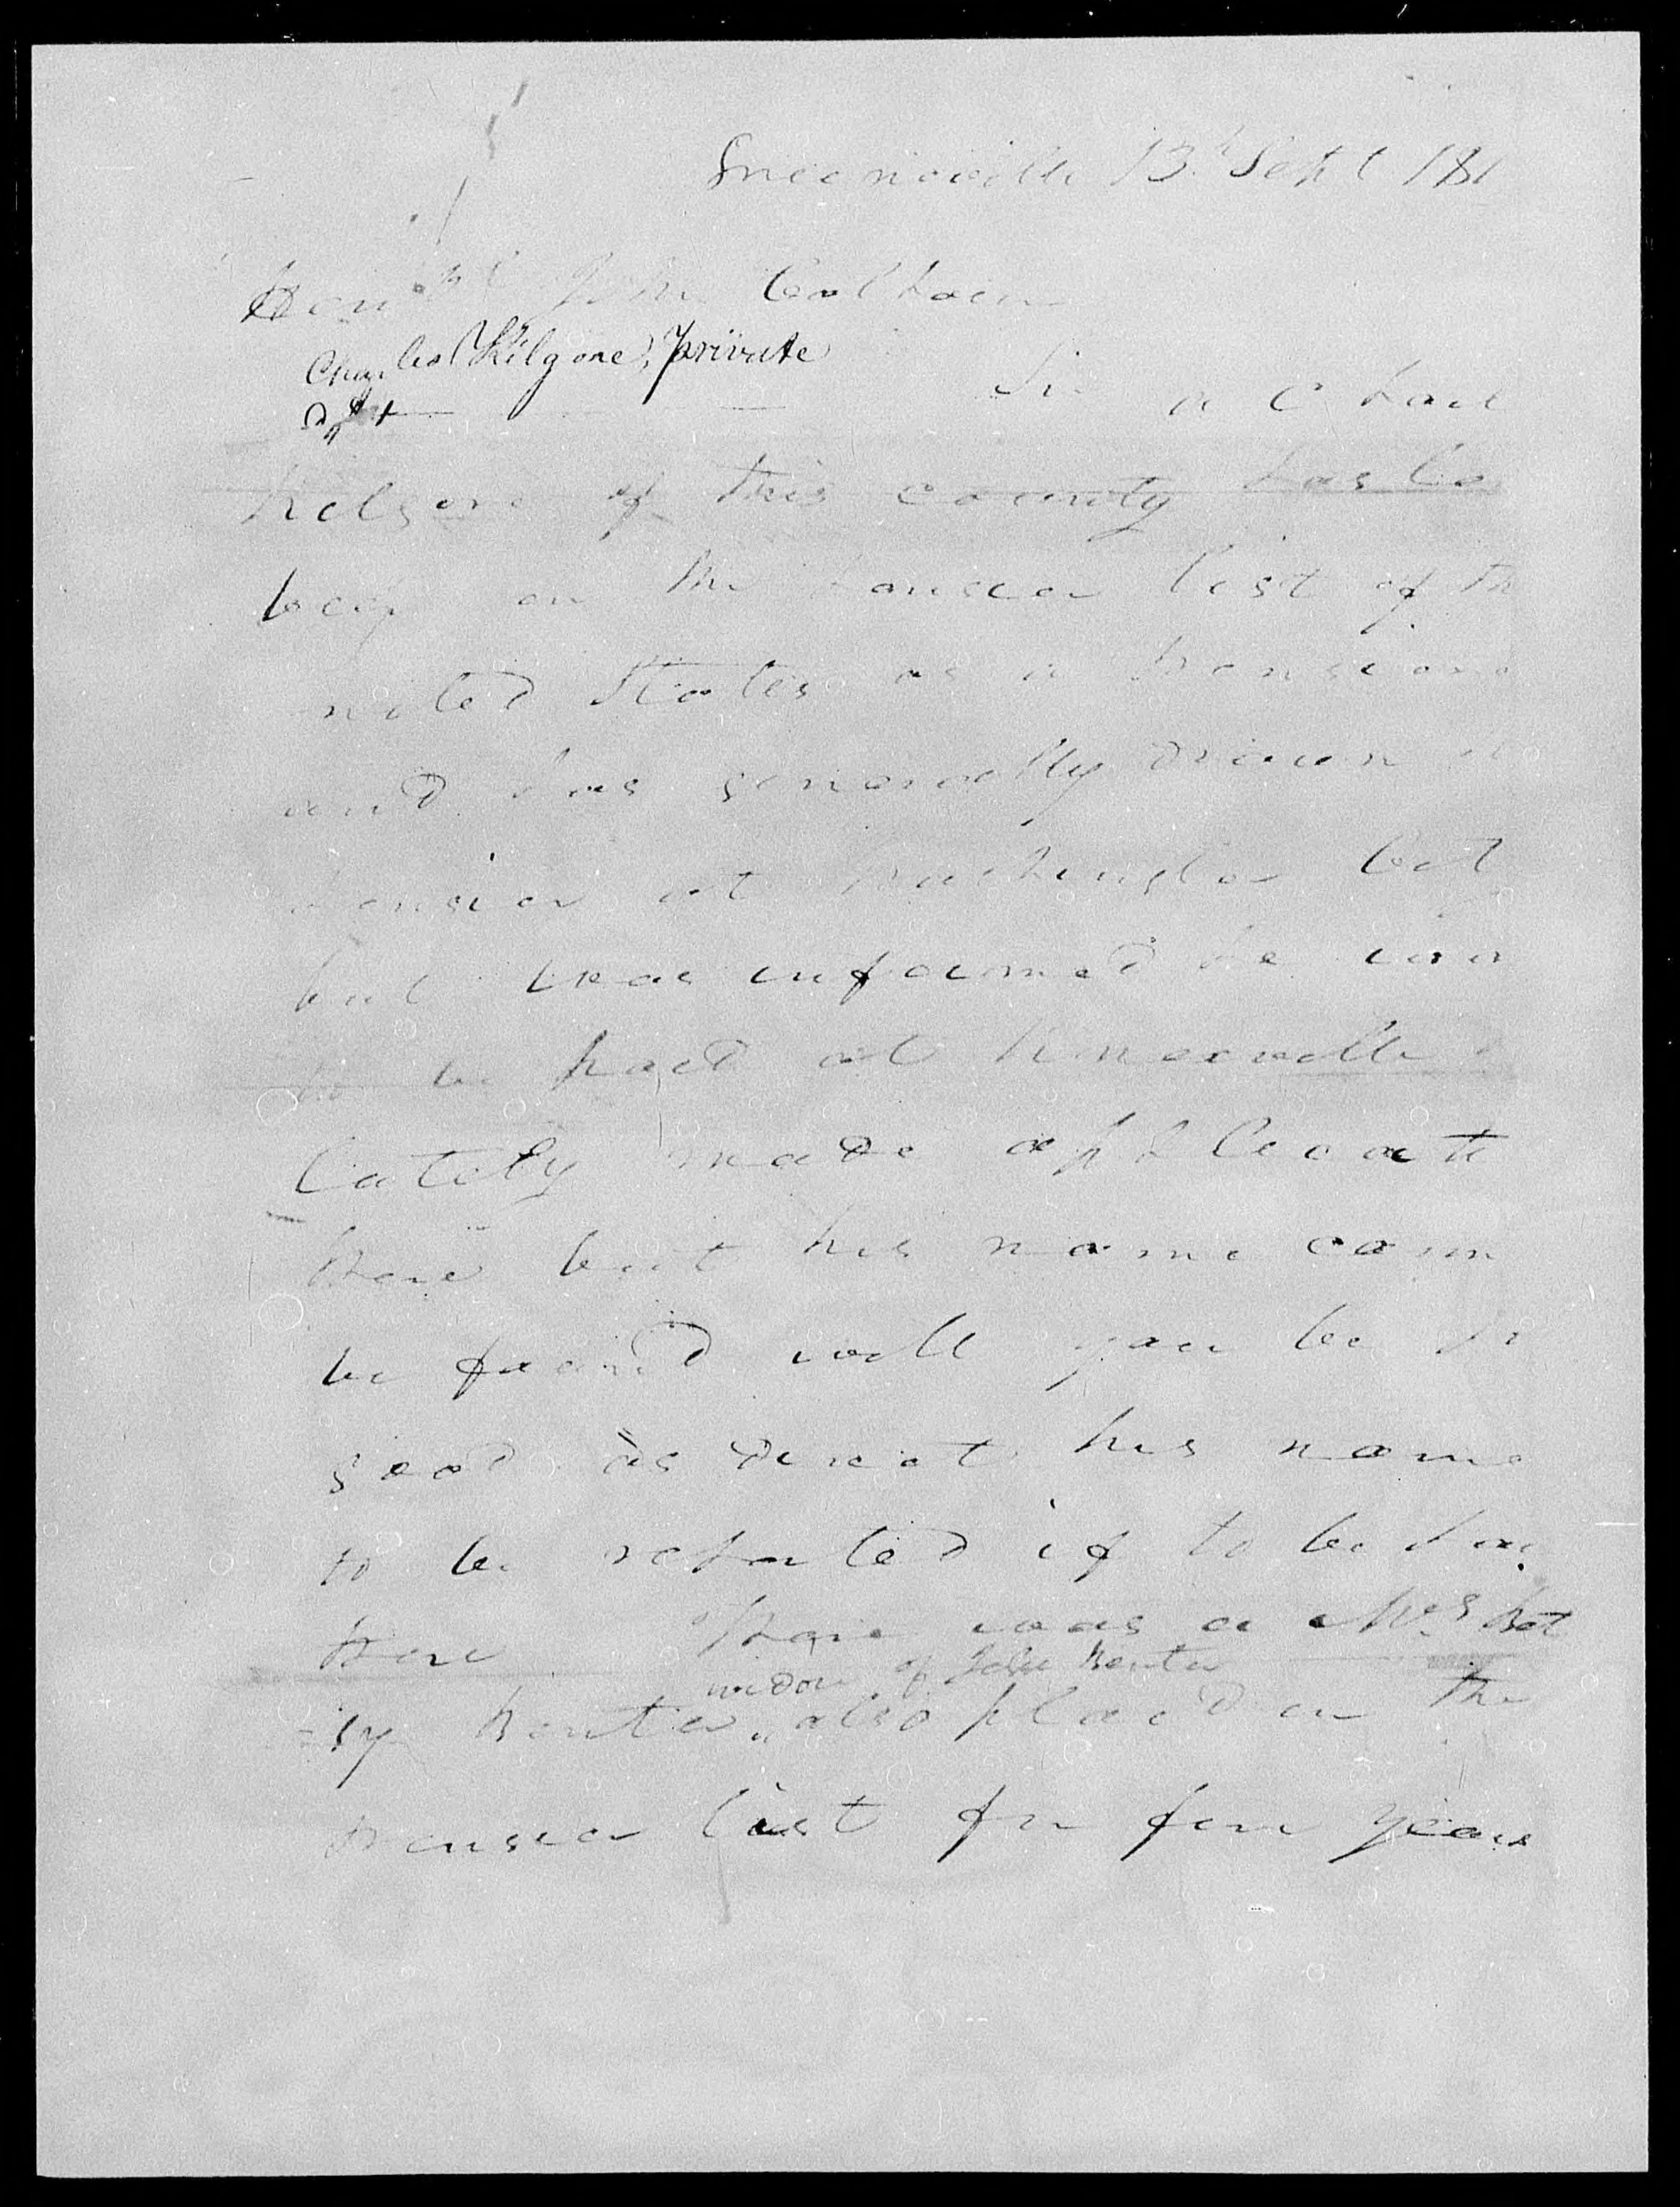Greenville 13th. Sept 181 [text missing]
Honbl John Calhoun
Charles Kilgore, private

Sir
[illegible] of this county has [illegible] on the pension list of the United States as a pensioner and has generally received pension at Washington Cty but was informed he can [illegible] be paid at Knoxville lately made application there but his name cannot be found would you be so good as to [illegible] his name to the [illegible] if to be for there. There cases as Mrs Betsy Benter widow of Jake Benter also placed on the pension list for five years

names: Charles Kilgore; John Calhoun; Jesse Benter; Betsey Benter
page: 6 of 115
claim: survivor's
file: S. 699, for Charles Kilgore, Virginia